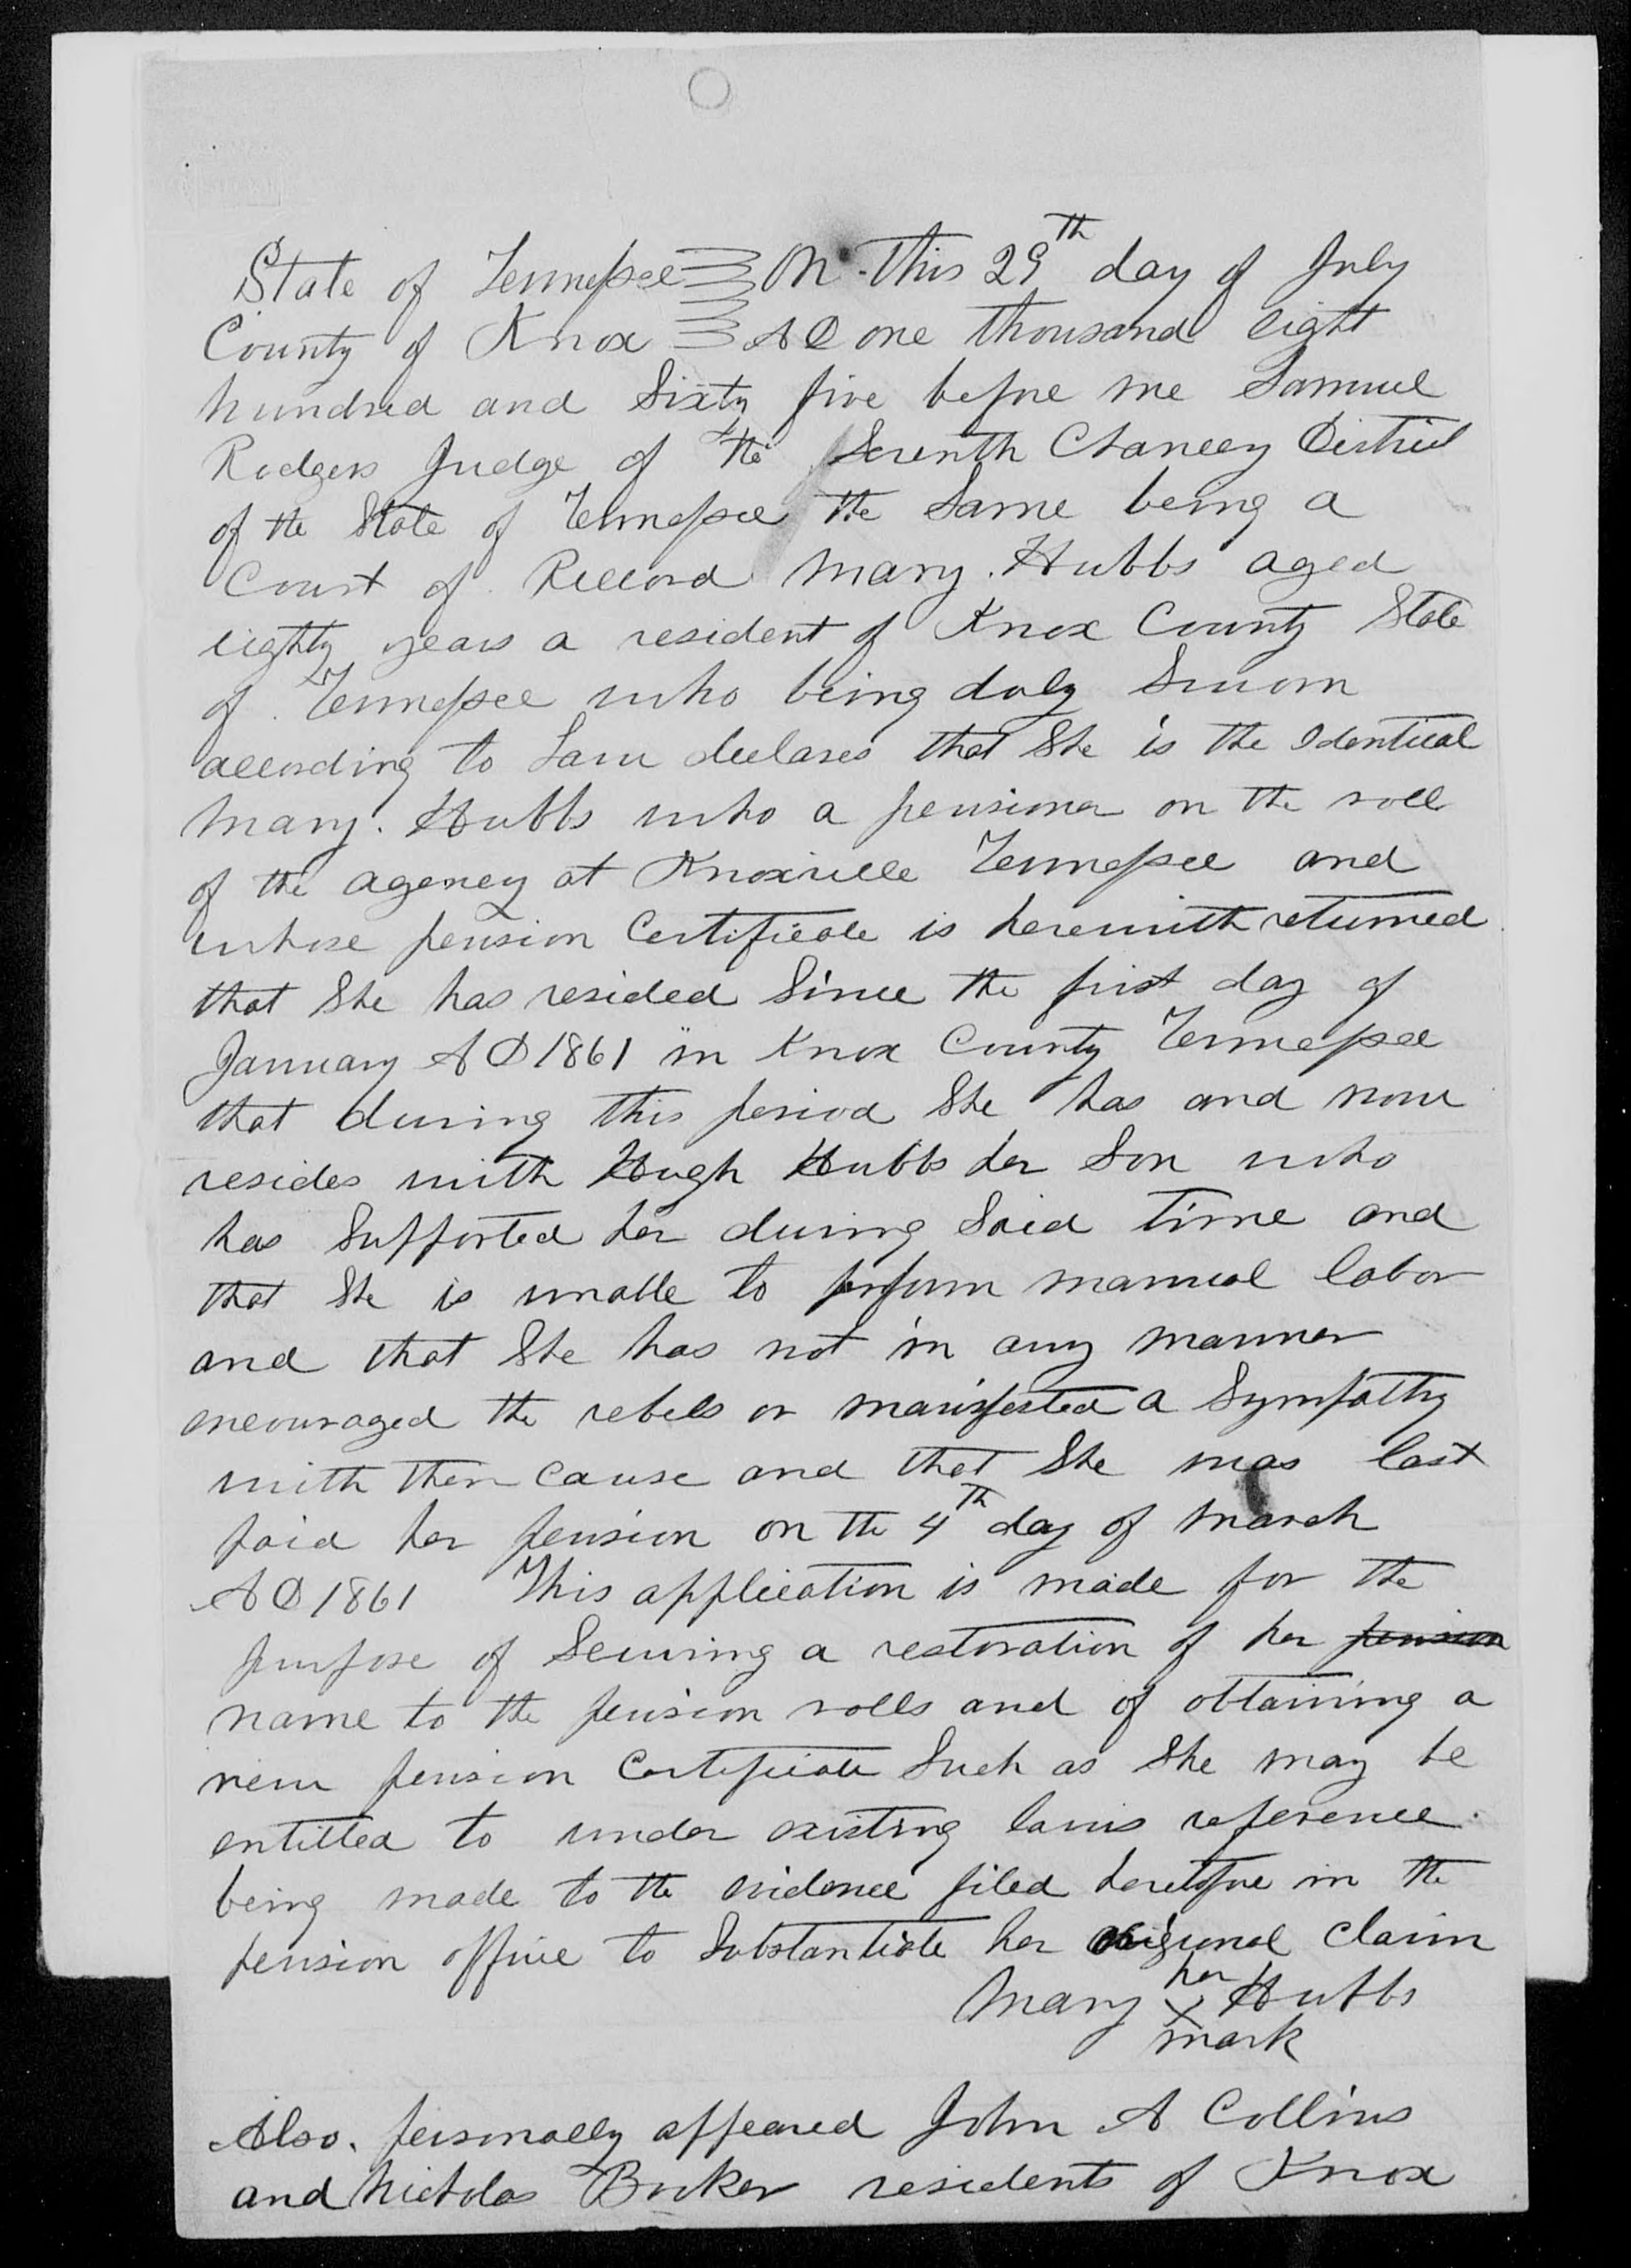State of Tennessee  
County of Knox 
 On this 29th day of July AD one thousand eight
hundred and Sixty five before me Samuel Rodgers Judge of the Seventh Chancery District of the State of Tennessee the same being a
Court of Record. Mary Hubbs aged eighty
years a resident of Knox County State of 
Tennessee who being duly Sworn according to Law declares that she is the Identical Mary Hubbs who a pensioner on the roll of the agency at Knoxville Tennessee and whose pension certificate is herewith returned that she has resided since the first day of January A D 1861 in Knox County Tennessee that during this period she has and now resides with Hugh Hubbs Son who has supported her during said time and that she is unable to perform manual labor and that she has not in any manner
encouraged the rebels or manifested a sympathy with their cause and that she was last paid her pension on the 4th day of March
AD 1861.  This application is made for the
purpose of Securing a restoration of her
name to the pension rolls and of obtaining a
new pension certificate Such as She may be
entitled to under existing laws reference
being made to the evidence filed heretofore in the pension office to Substantiate her original claim
Her mark - Mary Hubbs
Also, personally appeared John A Collins
and Nicholas Booker residents of Knox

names: Samuel Rodgers, Nancey, Mary Hubbs, John A Collins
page: 79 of 86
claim: widow's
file: W. 1035, John Hubbs, S.C.